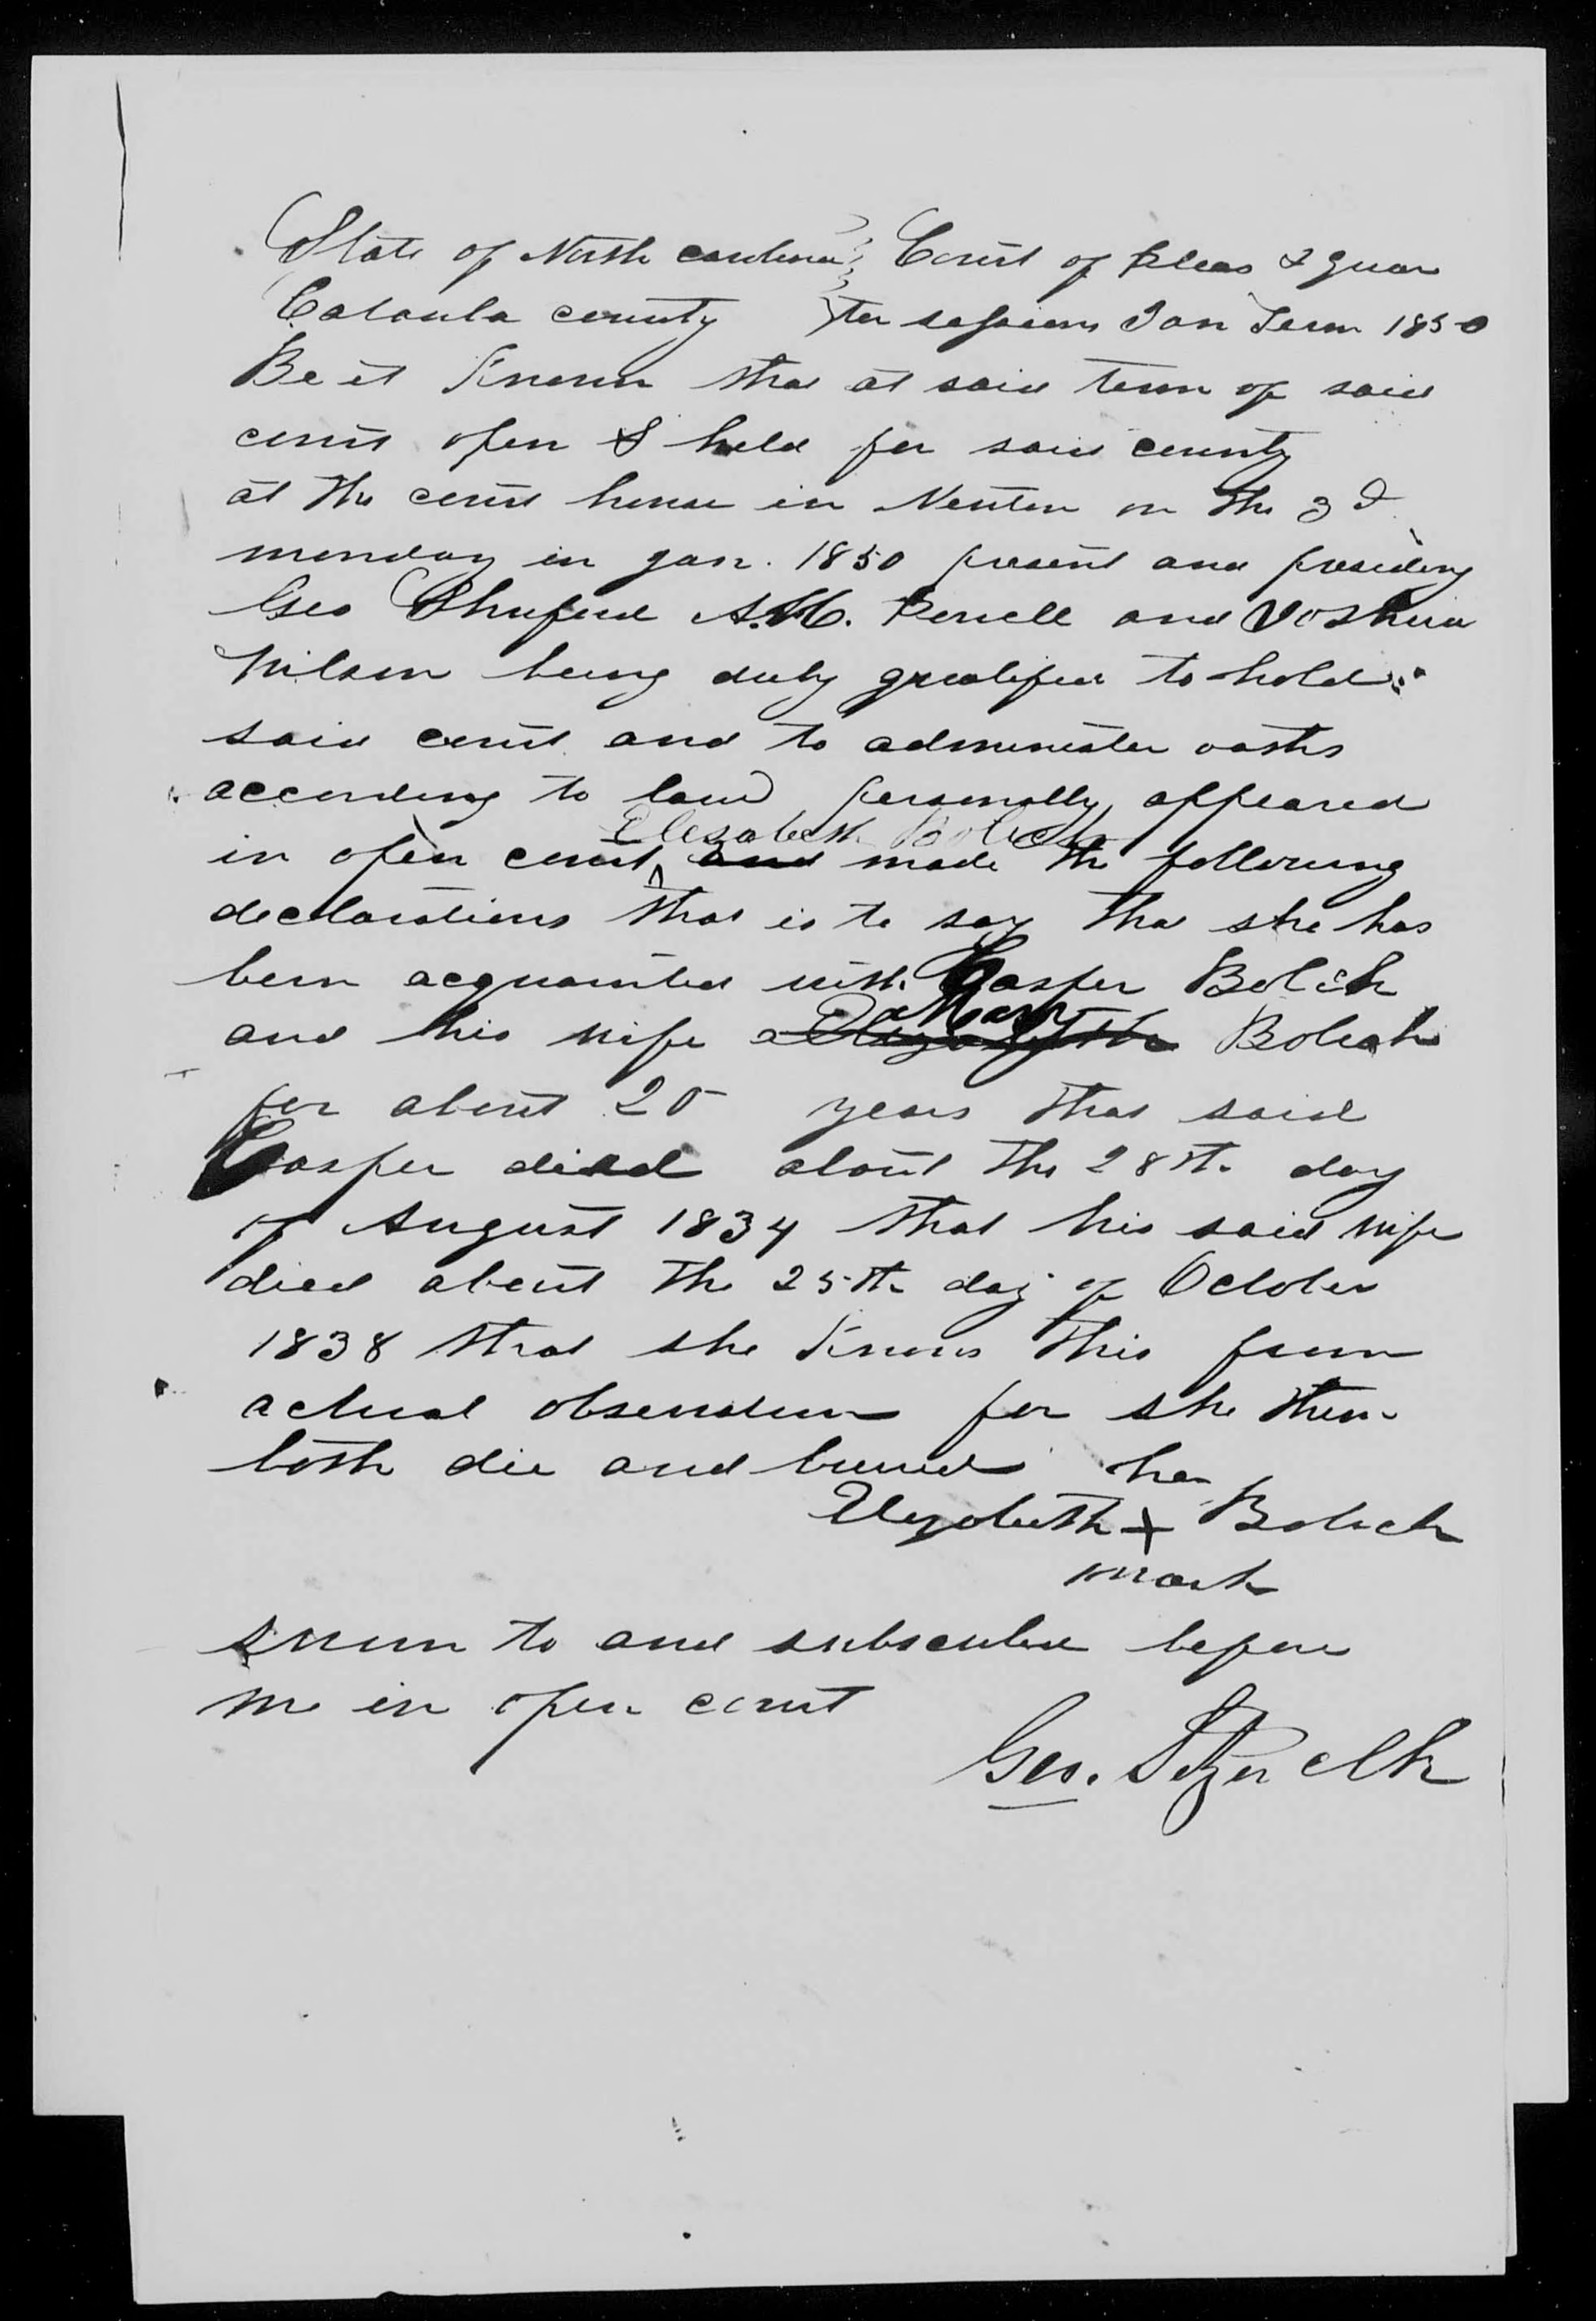State of North Carolina} Court of please & 
Catawba County } quarter sessions Jan Term 1850 Be it known that at said term of said court open & held for said county at the court house in Newton on the 3rd monday in Jan. 1850 present and presiding Geo. Shuford A.M. Powell and Joshua Wilson being duly qualified to hold said court and to administer oaths according to law personally appeared in open court Elizabeth Bolick made the following declaration that is to say that she has been acquainted with Casper Bolick and his wife Mary Bolick for about 20 years that said Caser died about he 285th day of August 1834 that his said wife died about the 25th day of October 1838 that she knows this from actual observation for she them both die and buried  [Signature] Elizabeth Bolick X her mark
Sworn to and subscribed before me in open court [Signature] Geo. Selzer Clk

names: Elizabeth Bolech, Geo Shuford, Casper, A M Powell, Geo Seltzer, Elizabeth Bolech, Joshua Wilson, Casper Bolech, Mary Bolech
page: 8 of 43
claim: widow's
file: W. 18,566, Casper Bolick, N.C.